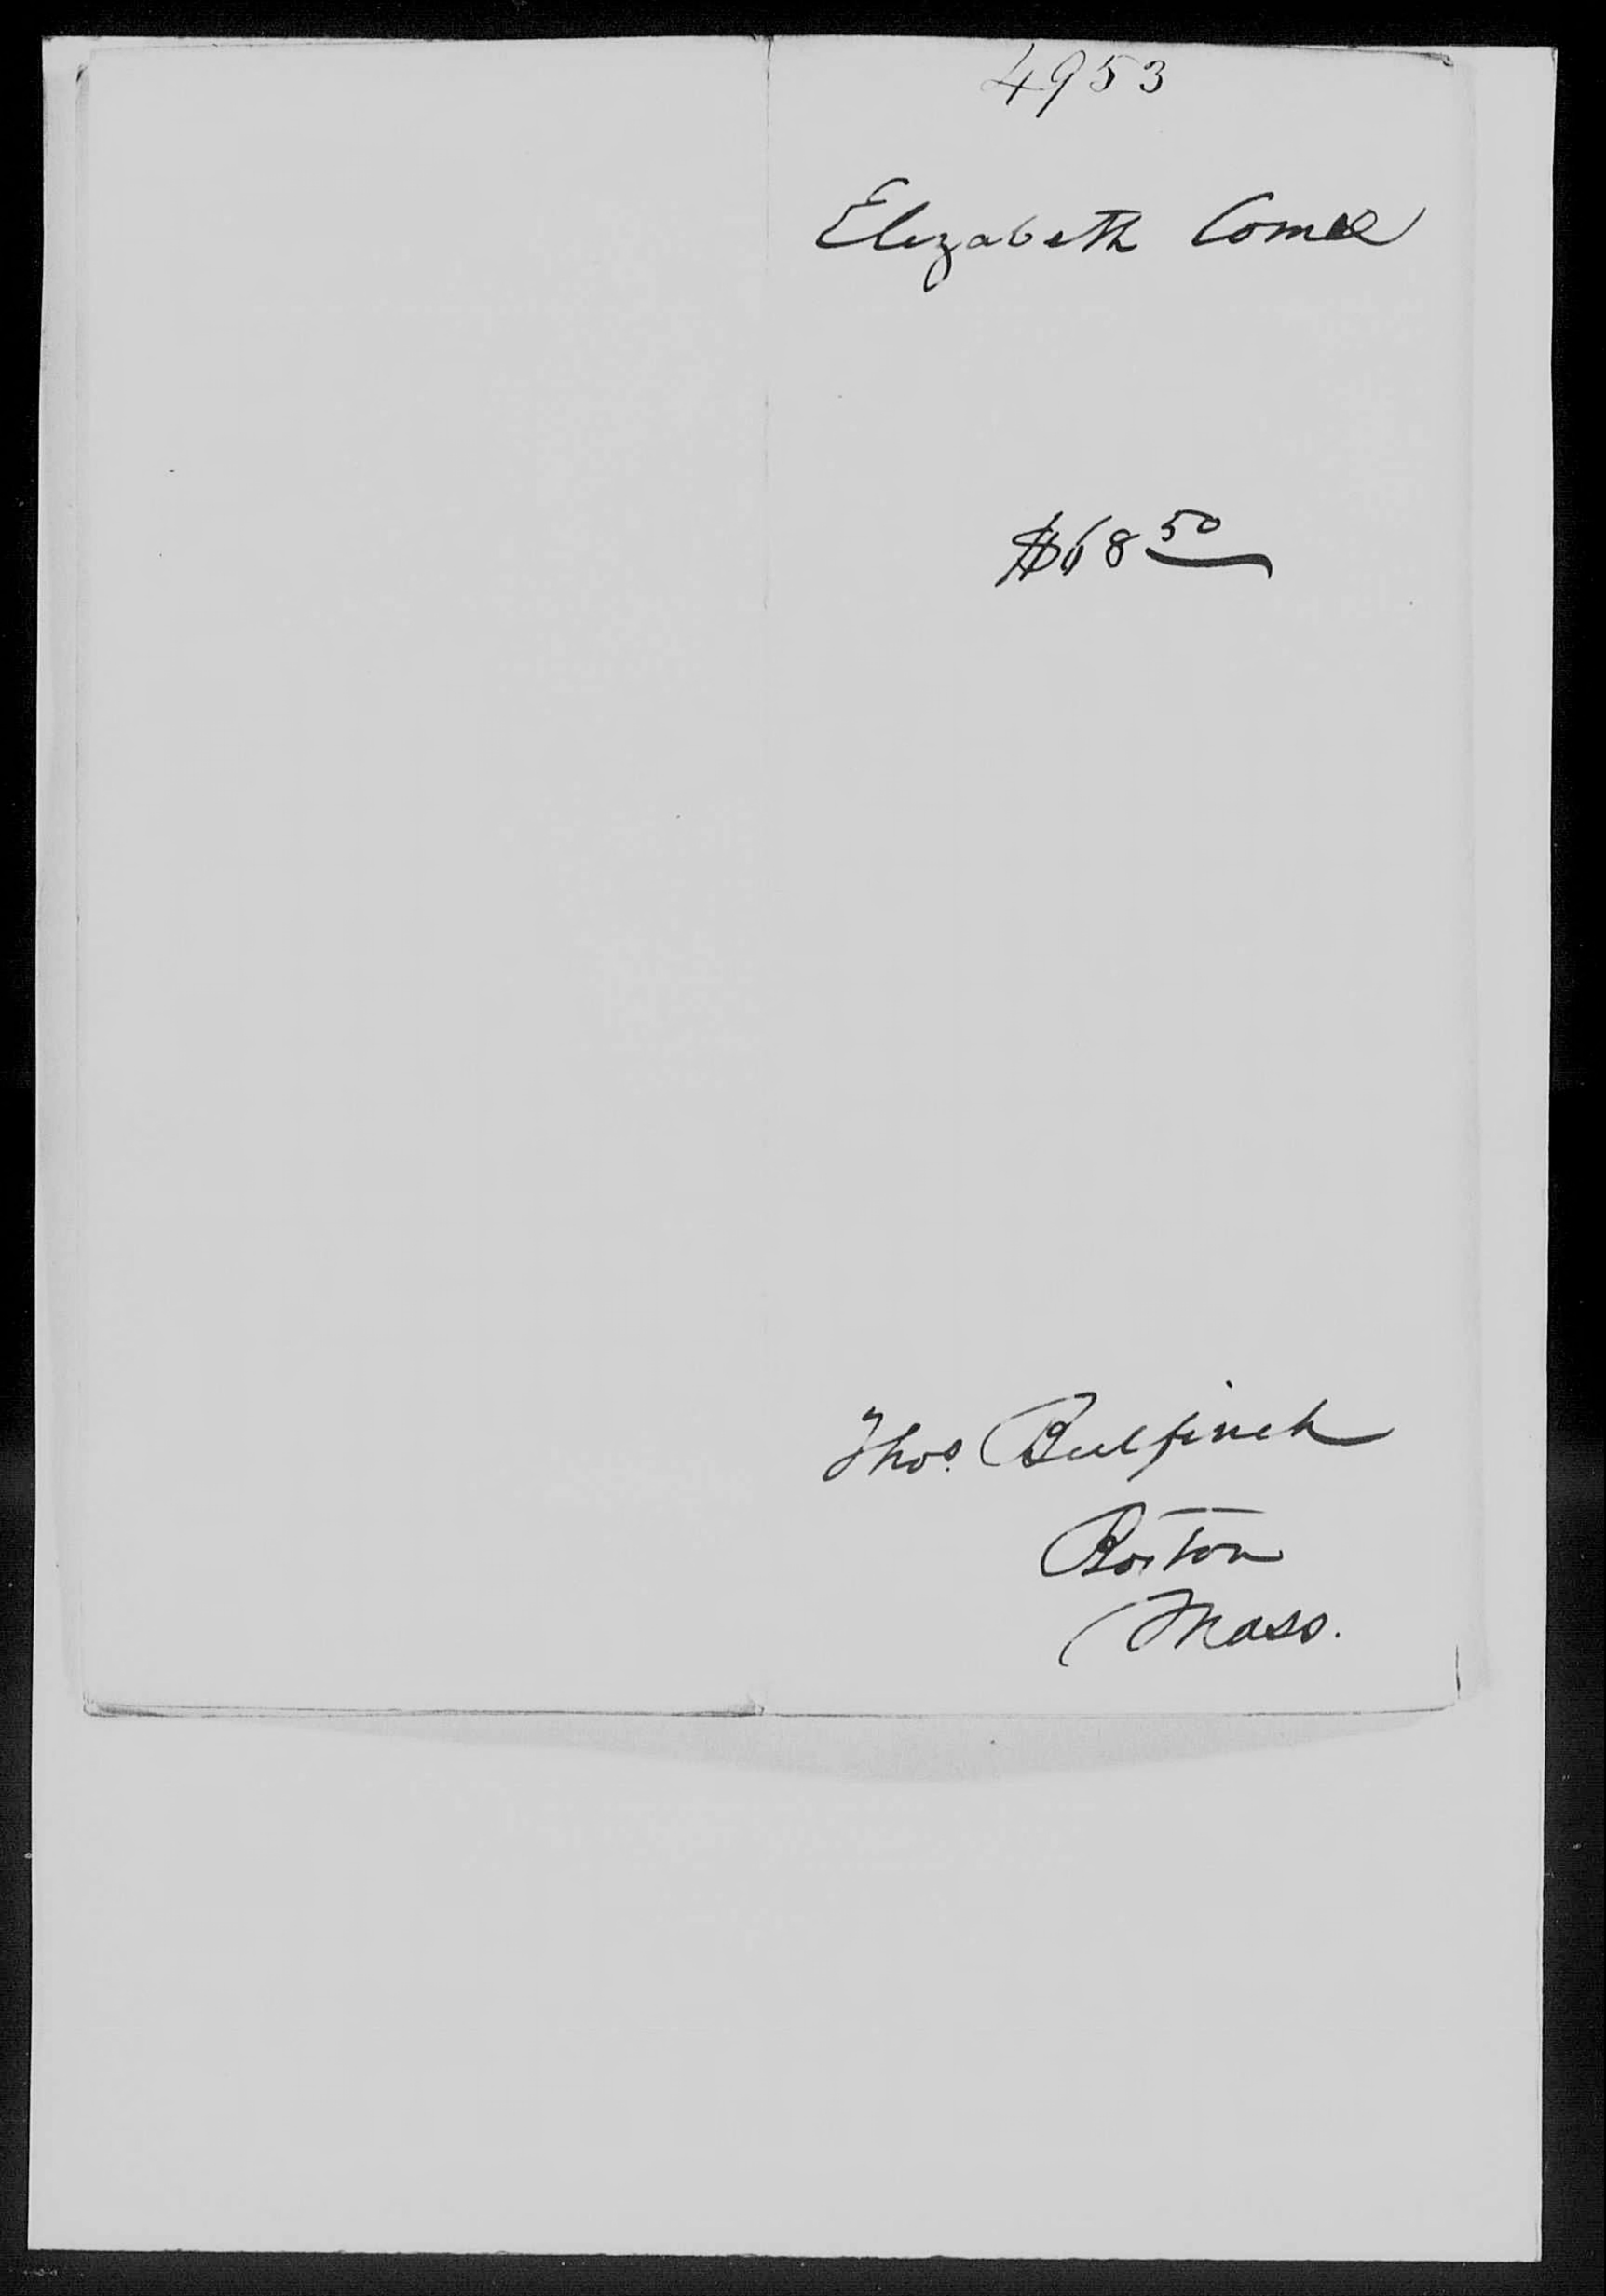4953 

Elizabeth Comee

$68.50 

Thos. Bulfinch 
Boston 
Mass.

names: Elizabeth Comee, Thos Bulfinch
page: 38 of 45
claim: widow's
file: W. 14,567, Oliver Comee, Mass.